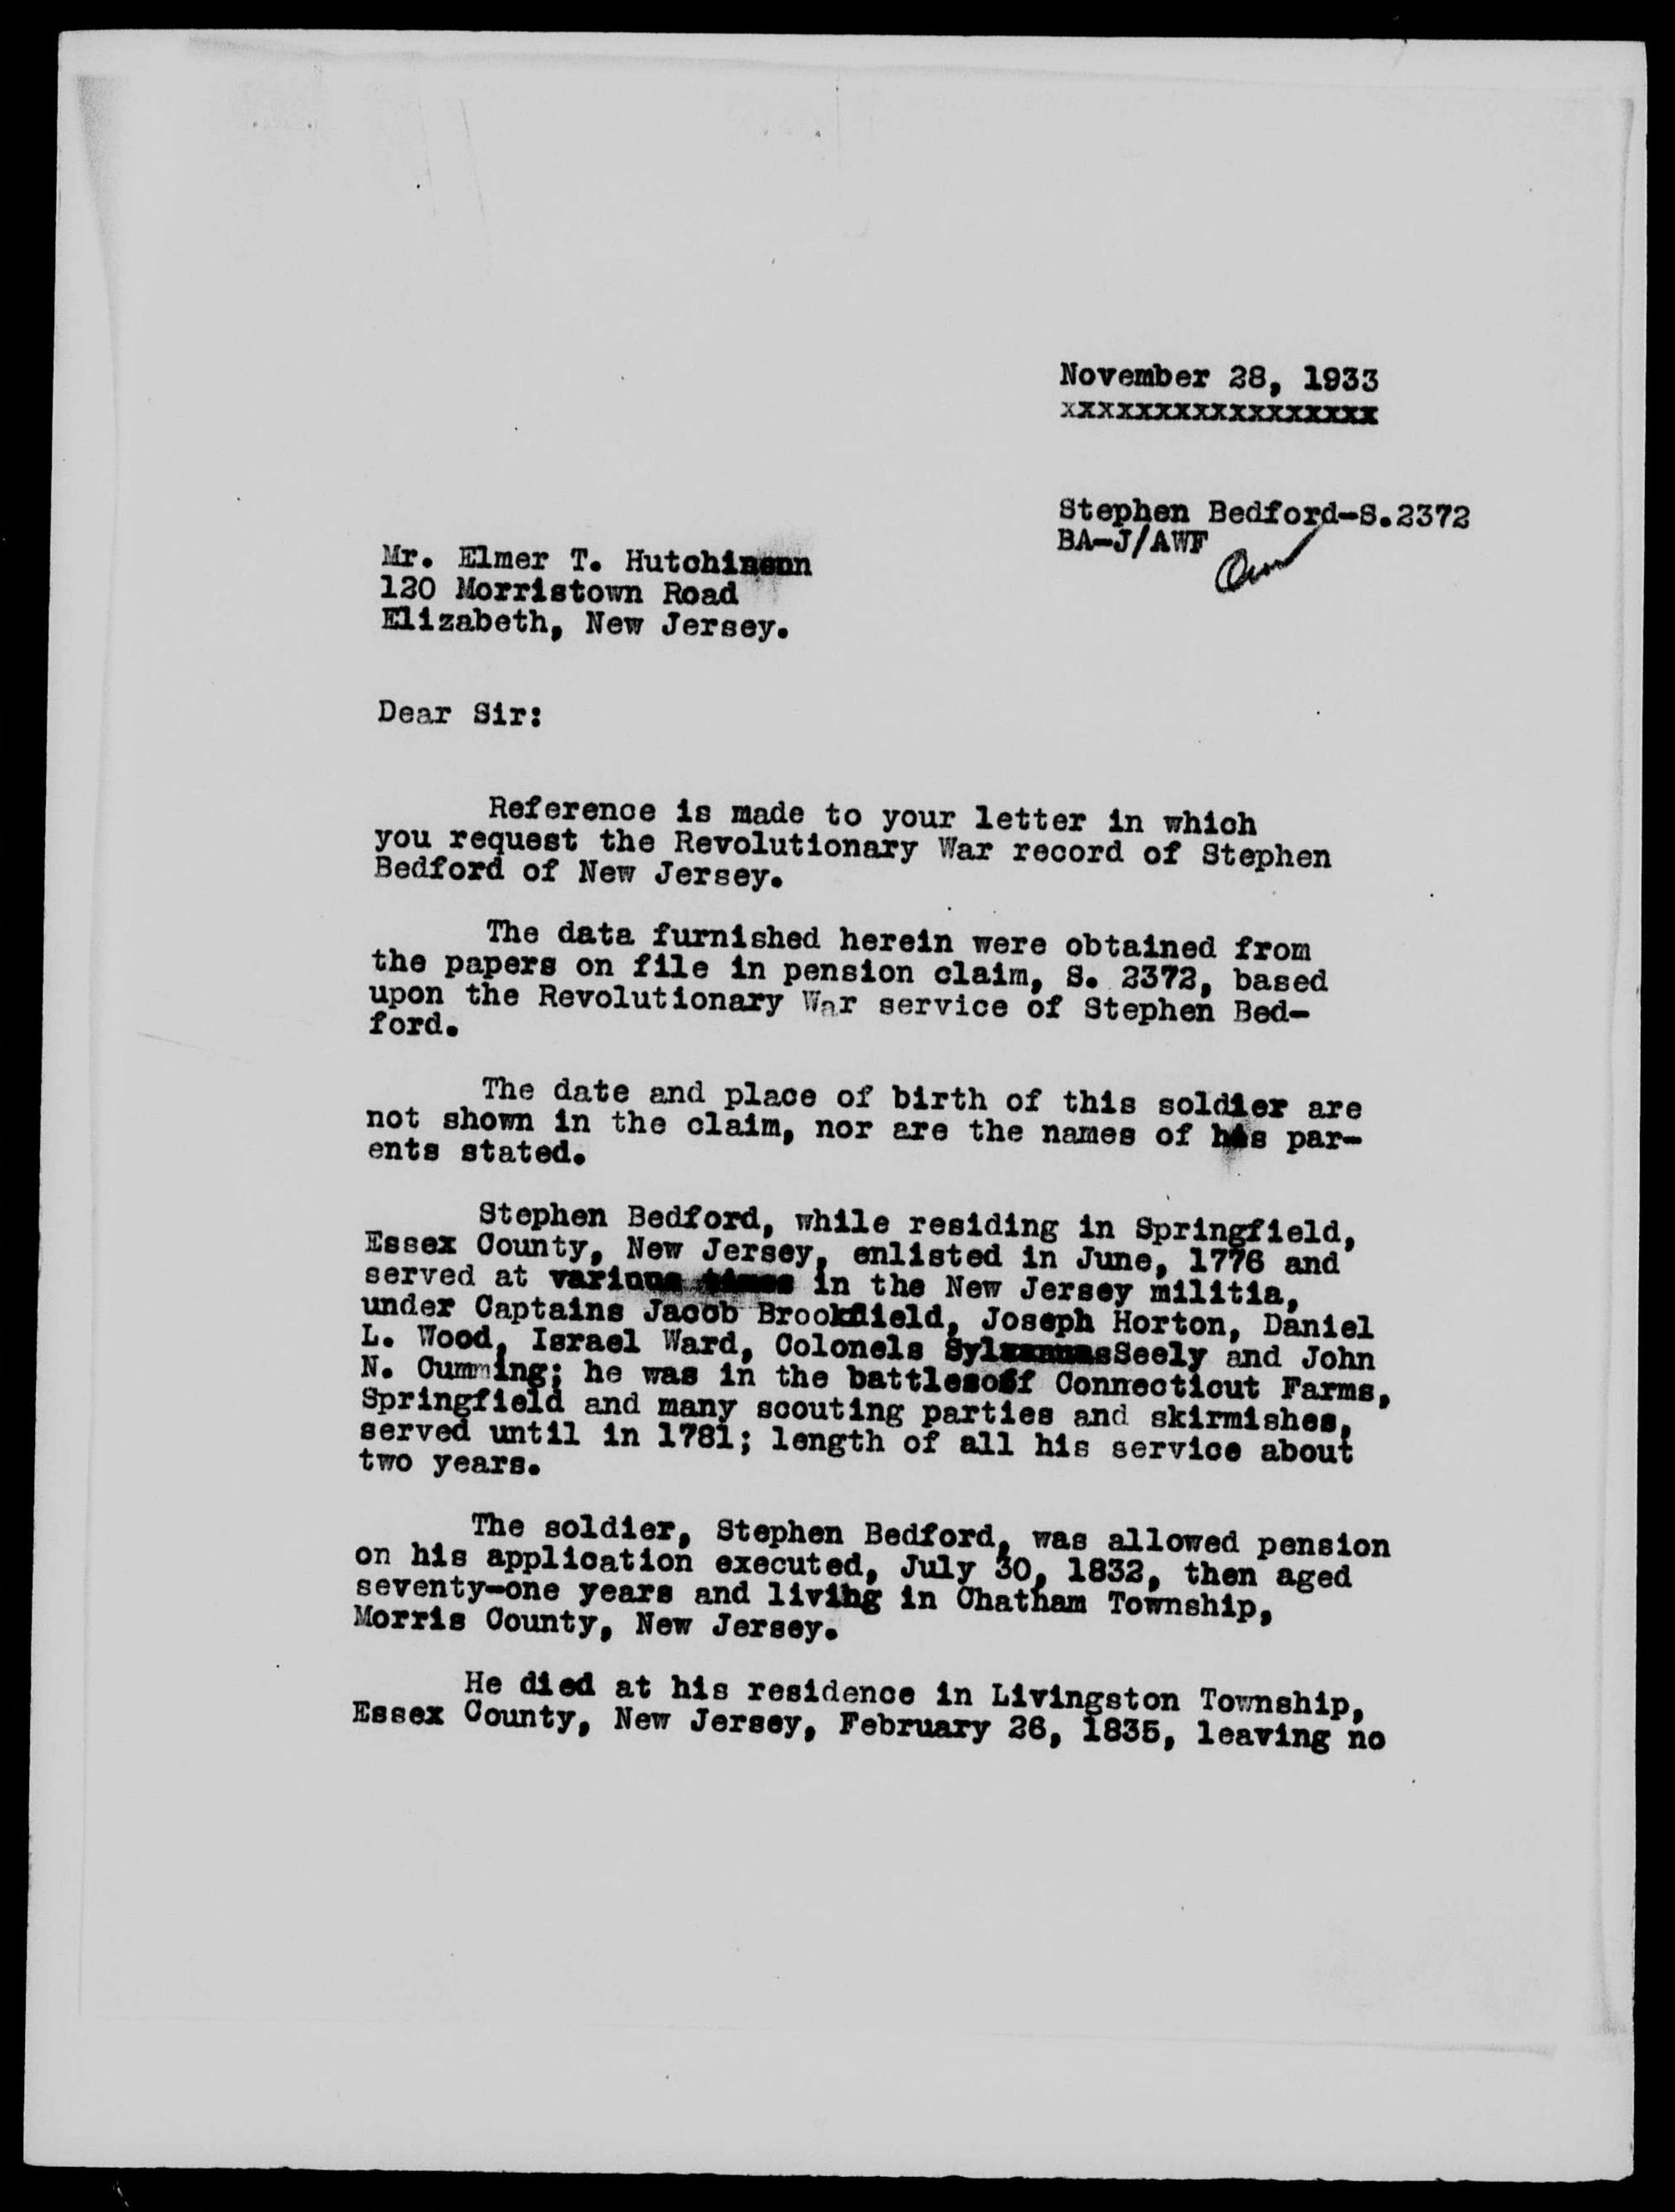Mr. Elmer T. Hutchinson
120 Morristown Road
Elizabeth, New Jersey.
Dear Sir:
November 28, 1933
XXXXXXXXXXXXXXXXX
On
Stephen Bedford-S.2372
BA-J/AWF
Reference is made to your letter in which
you request the Revolutionary War record of Stephen
Bedford of New Jersey,
The data furnished herein were obtained from
upon the Revolutionary War service of Stephen Bedford.
the papers on file in pension claim, S. 2372, based
The date and place of birth of this soldier are
not shown in the claim, nor are the names of his parents stated.
Stephen Bedford, while residing in Springfield,
Essex County, New Jersey, enlisted in June, 1776 and served at various times in the New Jersey militia,
under Captains Jacob Brookfield, Joseph Horton, Daniel L. Wood, Israel Ward, Colonels Sylvanus Seely and John N. Cumming; he was in the battles of Connecticut Farms, Springfield and many scouting parties and skirmishes, served until in 1781; length of all his service about two years.
The soldier, Stephen Bedford, was allowed pension on his application executed July 30, 1832, then aged seventy-one years and living in Chatham Township, Morris County, New Jersey.
He died at his residence in Livingston Township, Essex County, New Jersey, February 26, 1835, leaving no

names: Stephen Bedford, Elmer T Hutchinson, Sylvannus Seely, Israel Ward, Stephen Bedford, Joseph Horton, Jacob Brookfield, Stephen Bedford, John N Cumming, Stephen Bedford, Daniel L Wood, Stephen Bedford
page: 12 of 31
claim: survivor's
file: S. 2372, Stephen Bedford, New Jersey